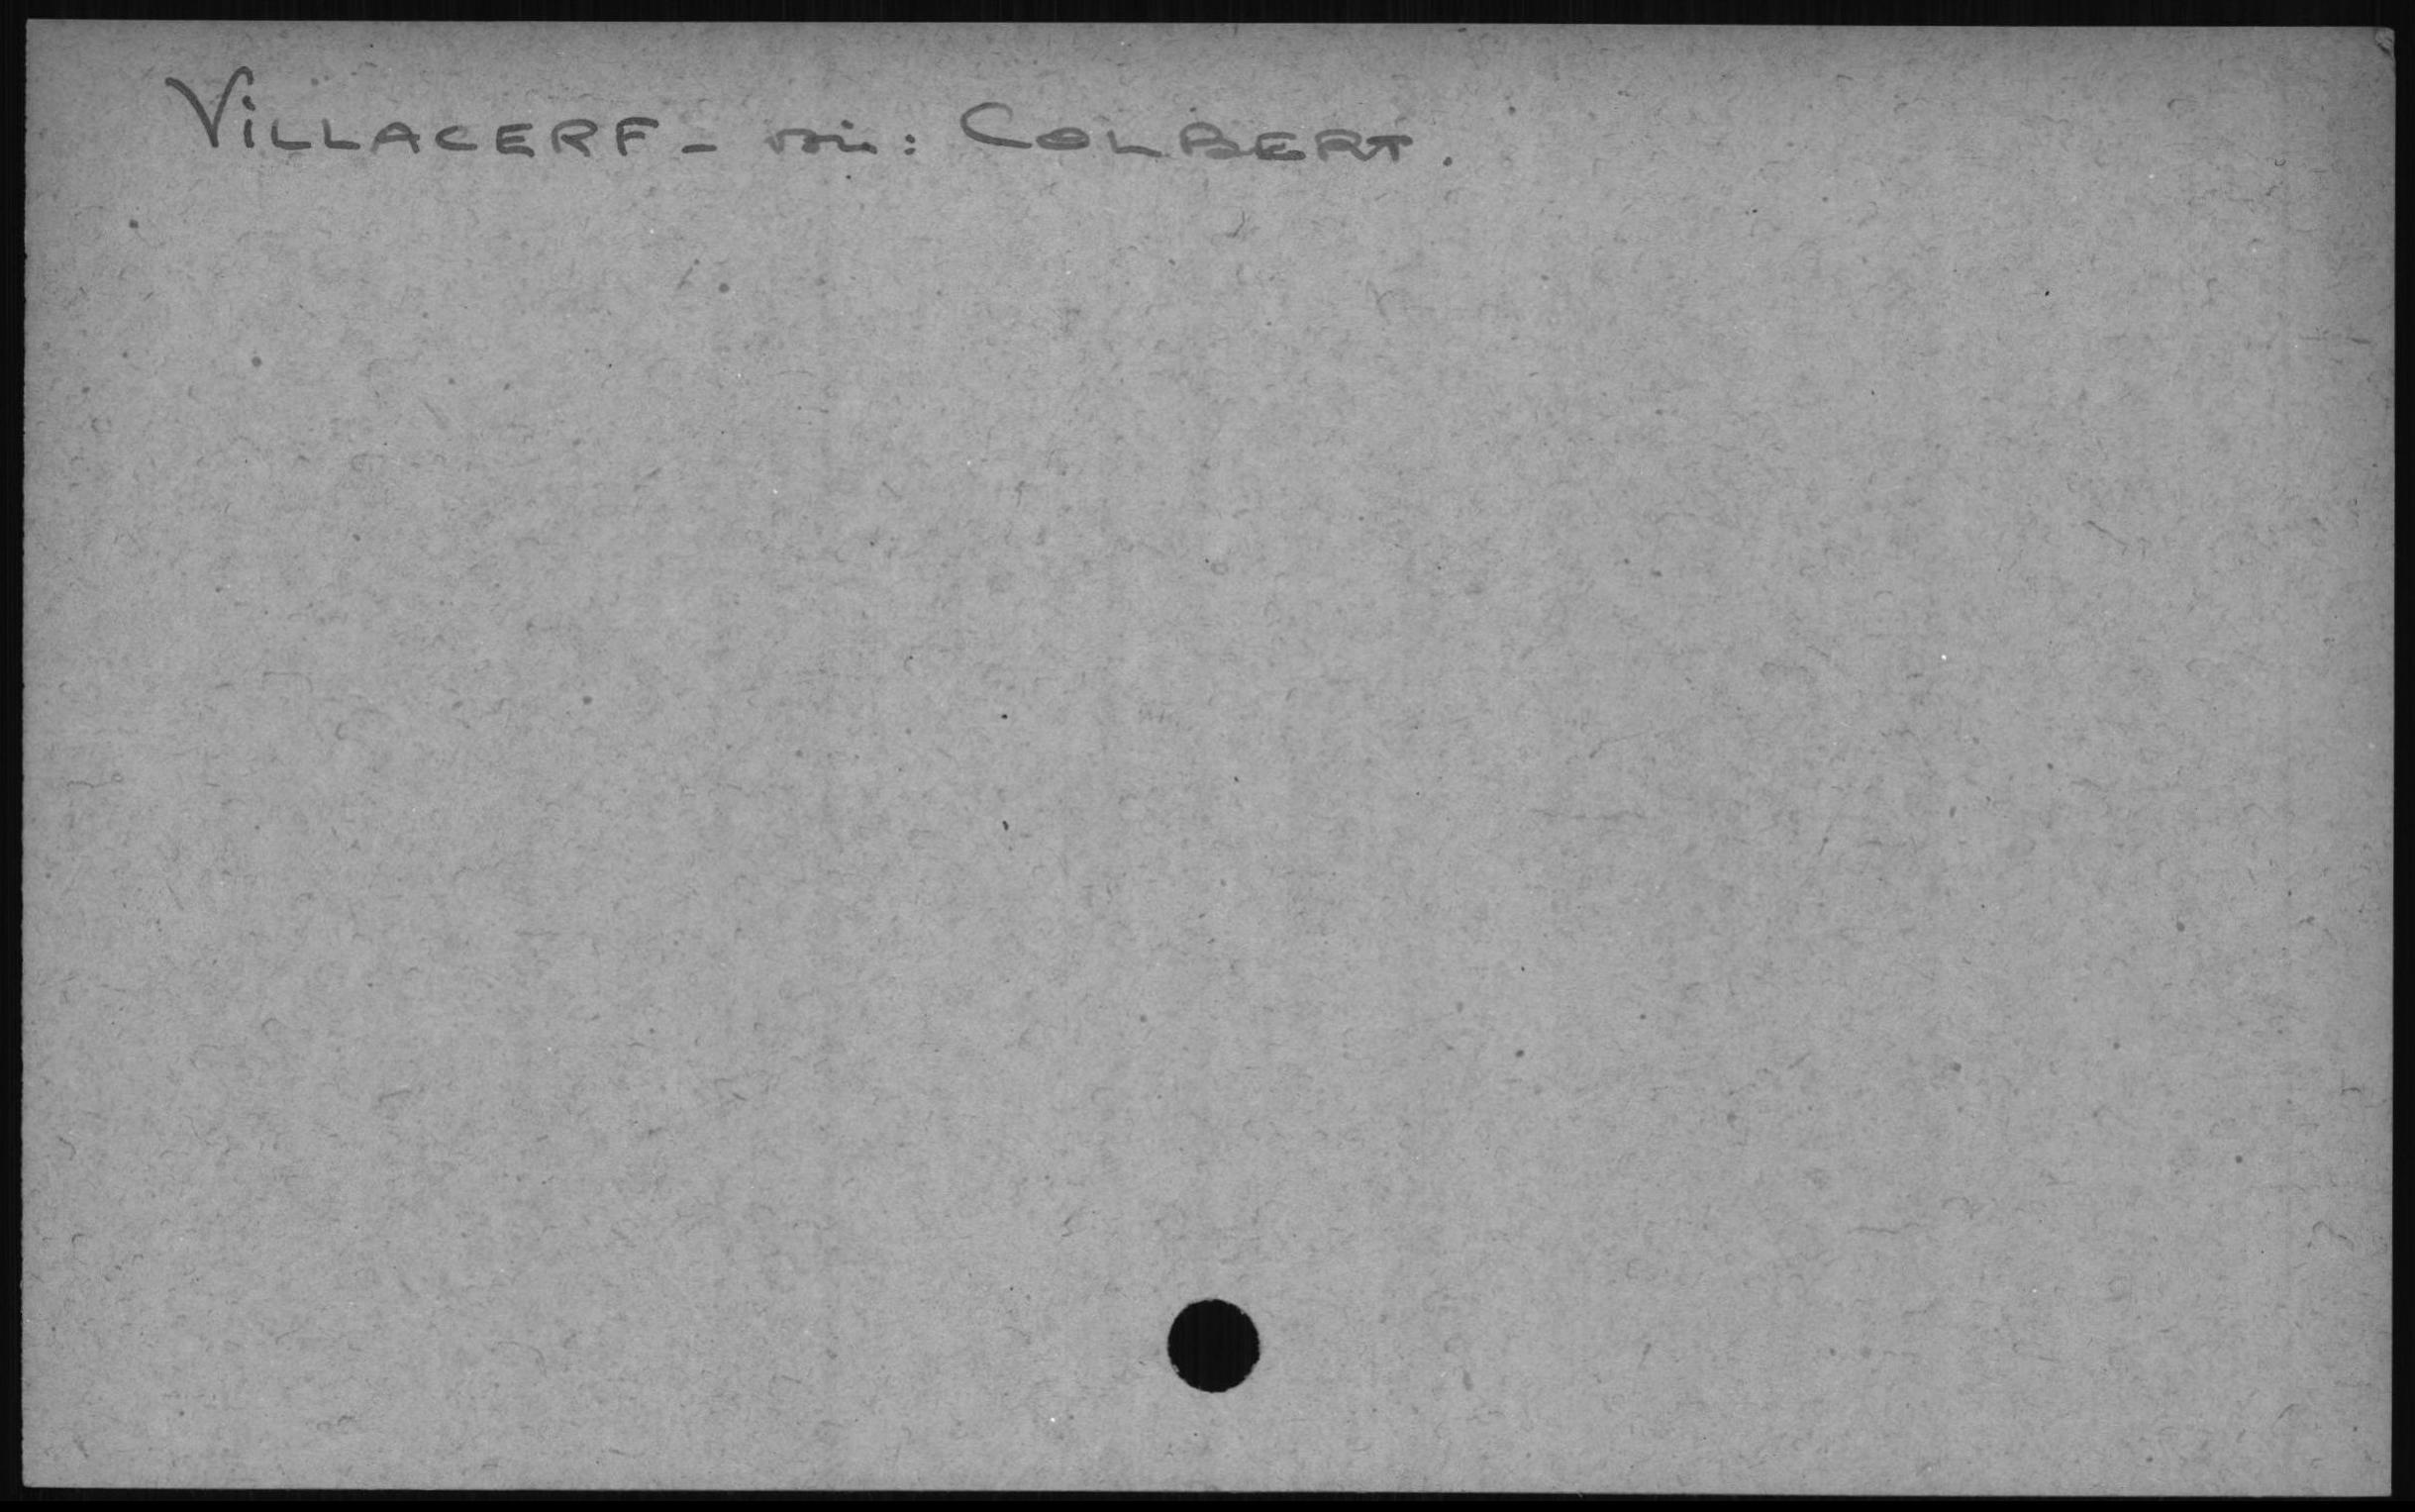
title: VILLACERF - voir : COLBERT
